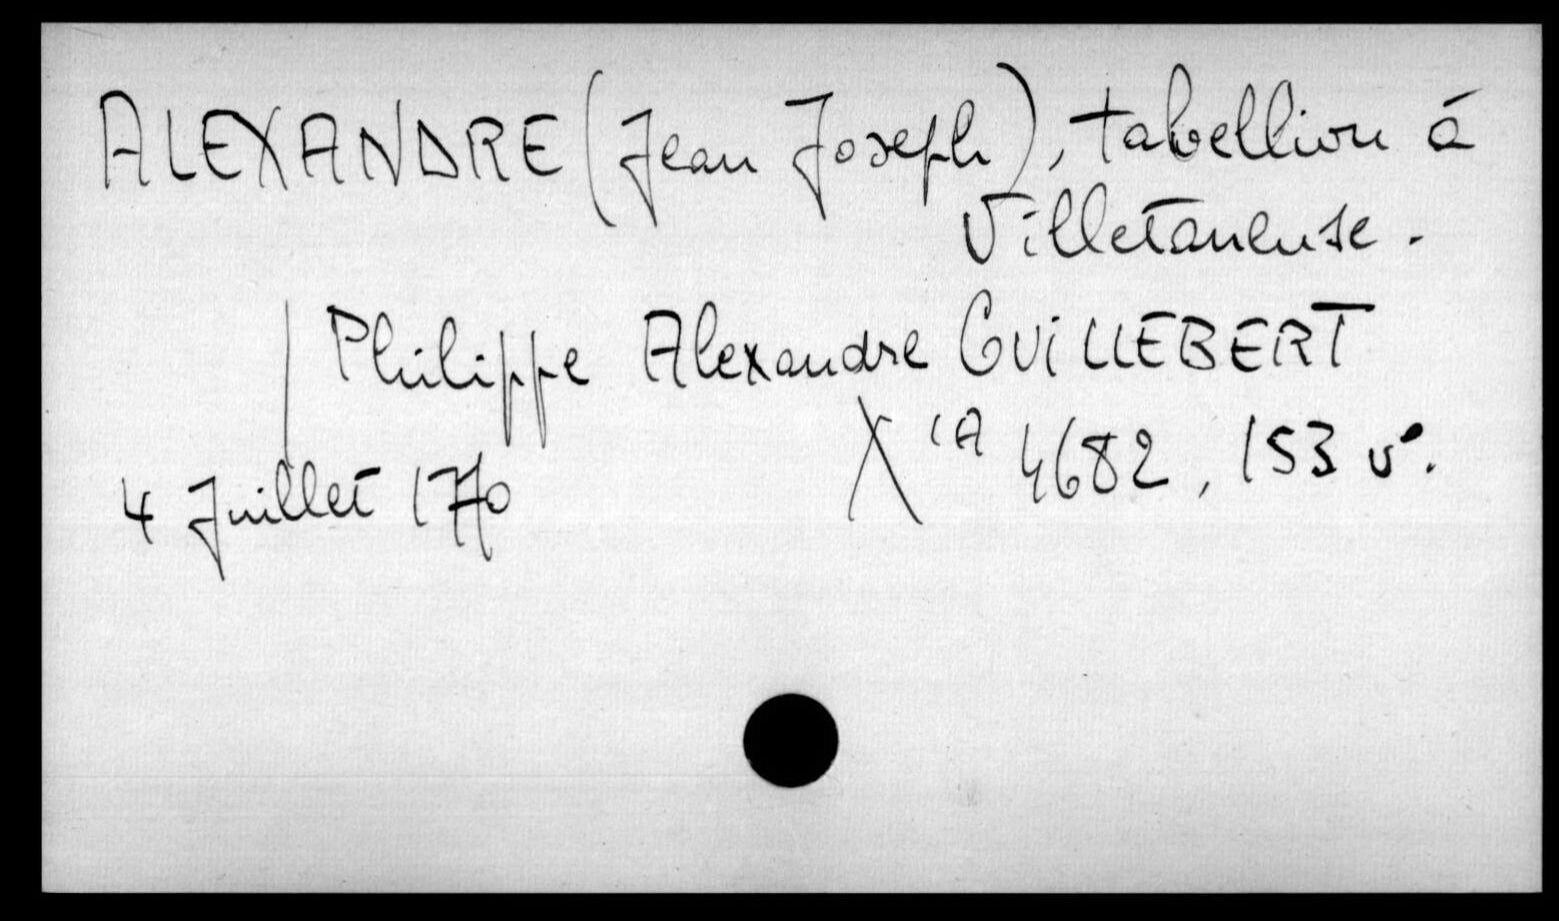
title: ALEXANDRE (Jean Joseph), tabellion à Villetaneuse
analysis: Contre Philippe Alexandre GUILLEBERT
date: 4 juillet 1770
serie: X1A
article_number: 4682
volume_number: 153v
